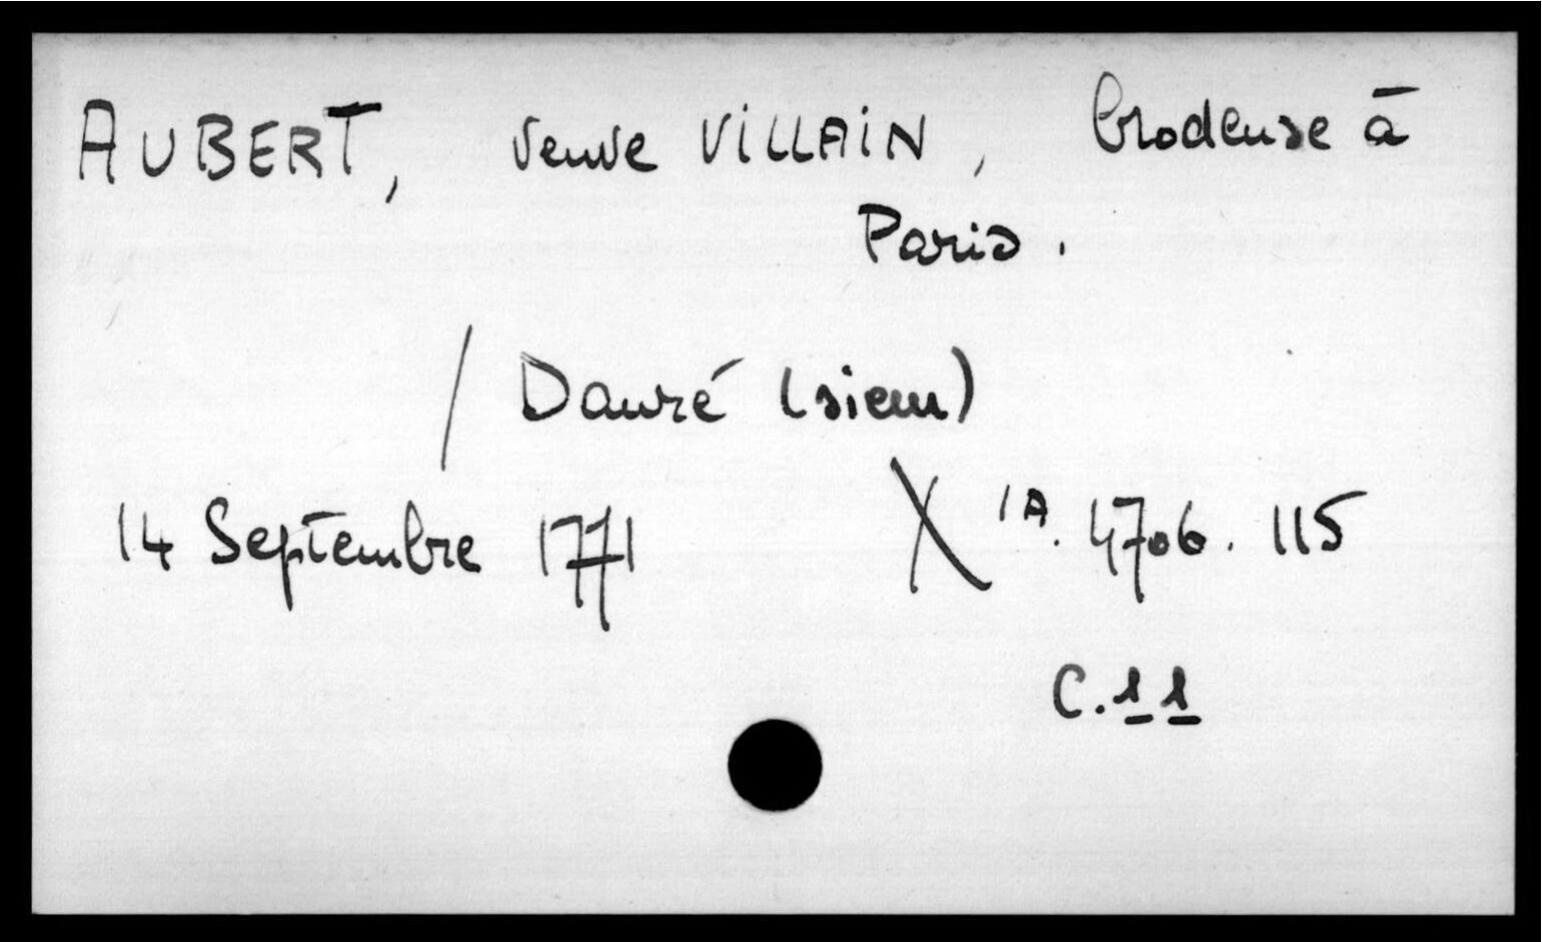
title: AUBERT Veuve VILLAIN brodeuse à Paris.
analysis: Contre Dauré (sieur)
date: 14 septembre 1771
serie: X1A
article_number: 4706
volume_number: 115 Conseil, 11
